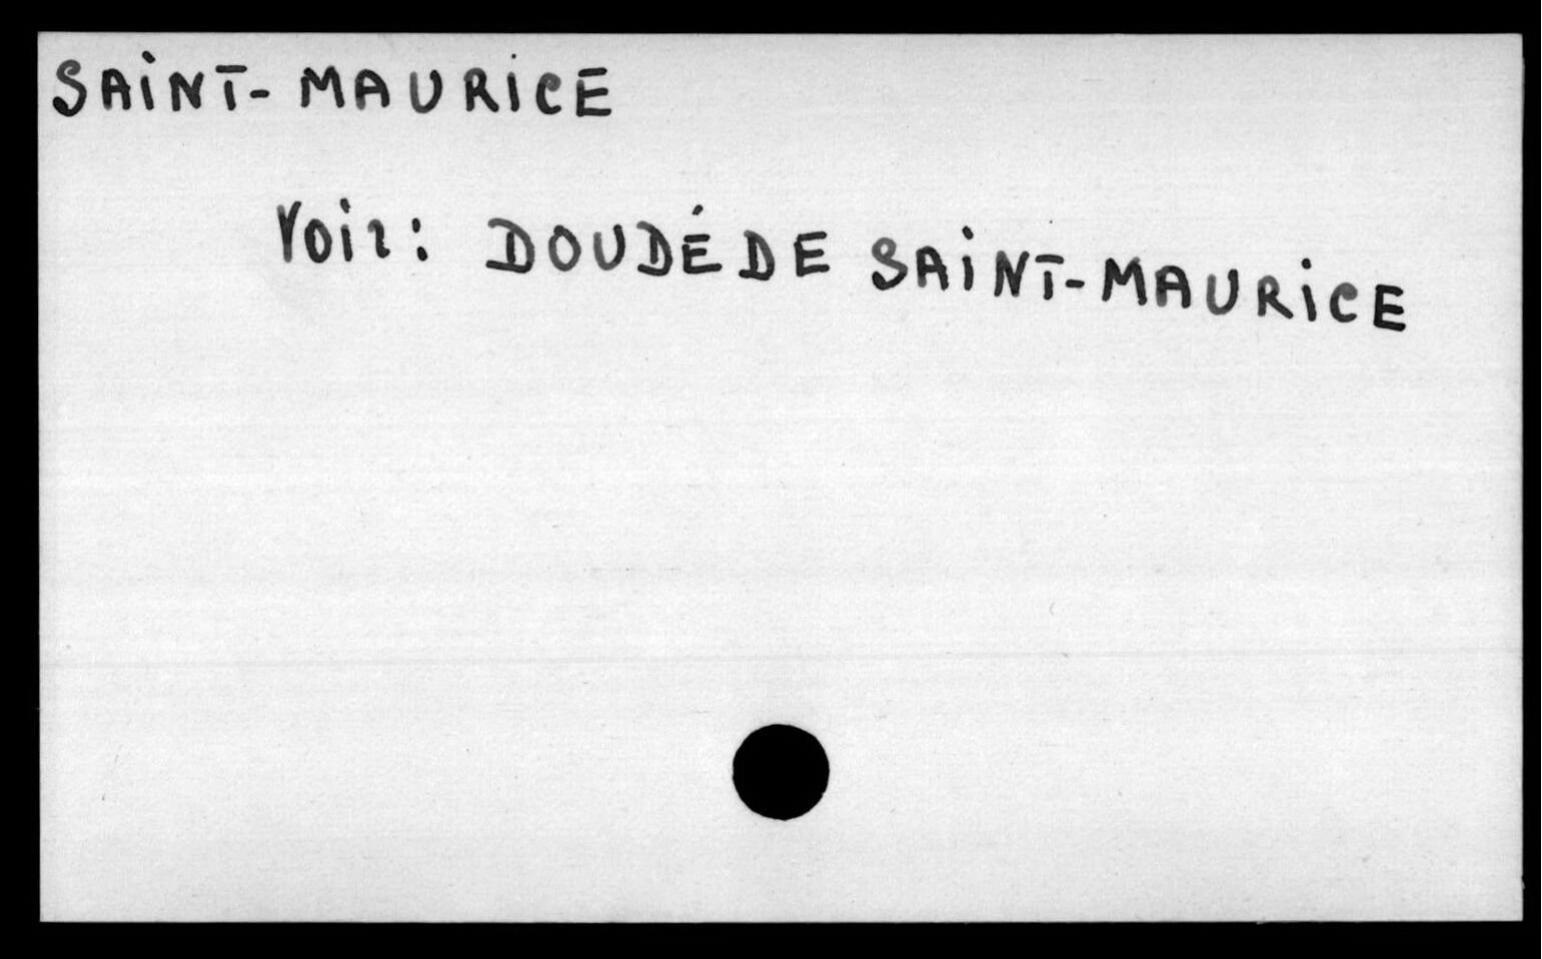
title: SAINT-MAURICE
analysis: Voir : DOUDÉ DE SAINT-MAURICE
